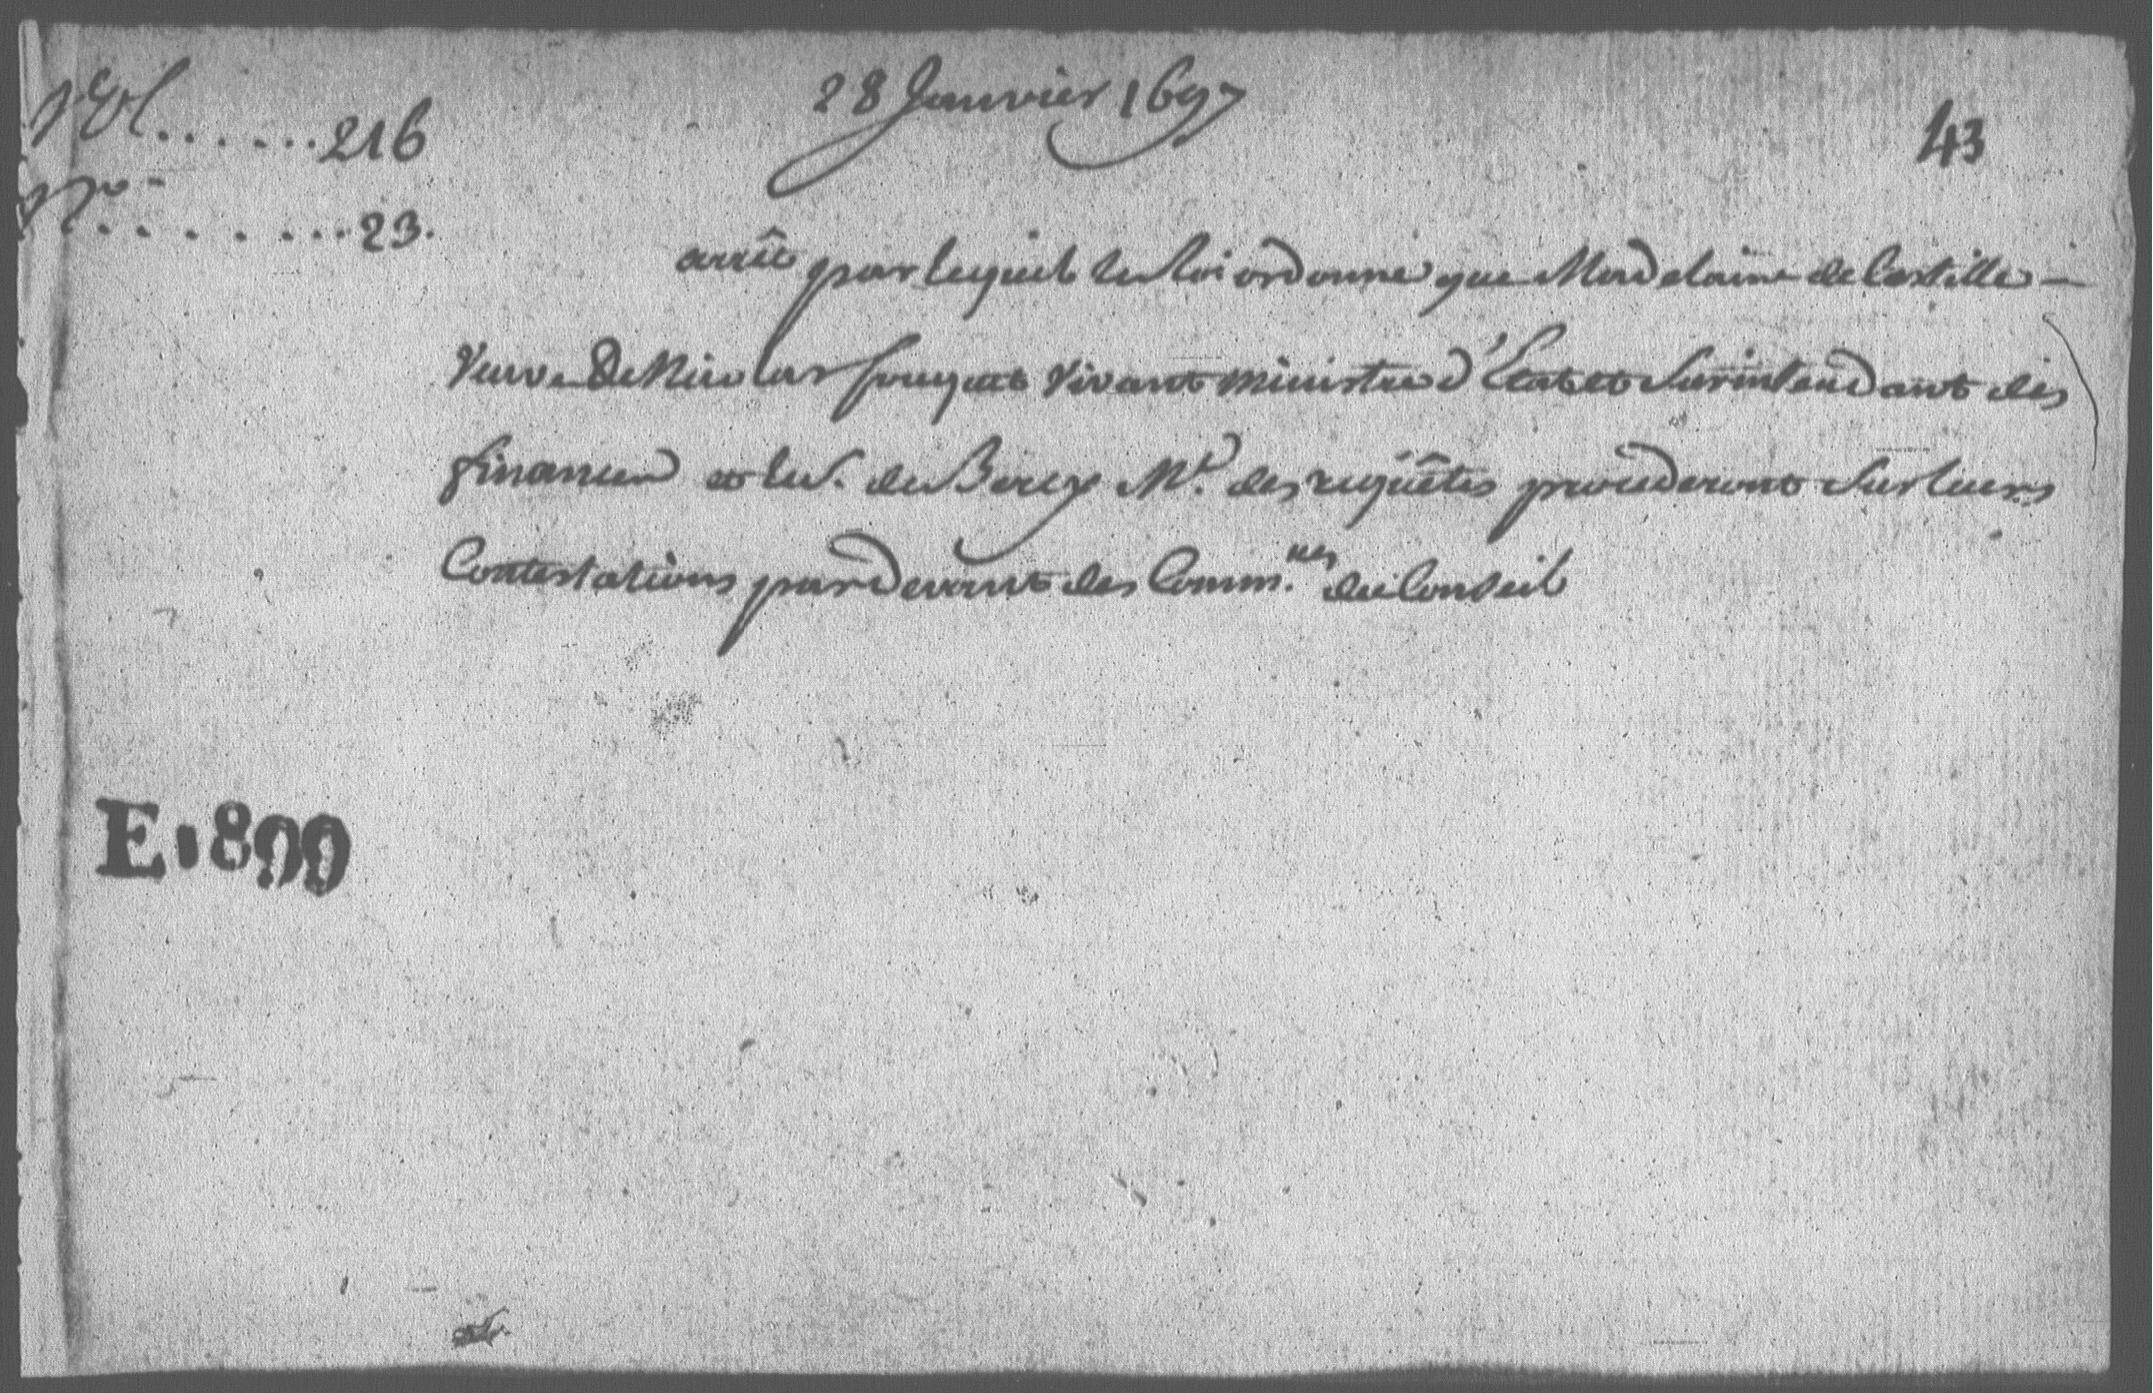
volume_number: n°23
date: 28 janvier 1697
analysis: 43
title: arrêt par lequel le Roi ordonne que Madelaine de Castille Veuve de Nicolas fouquet vivant ministre d'Etat et Surintendant des finances et le S. de Bercy M.e des requêtes procederont sur leurs contestations par devant des Comm.res du Conseil
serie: E
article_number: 1899
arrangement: vol. 216
